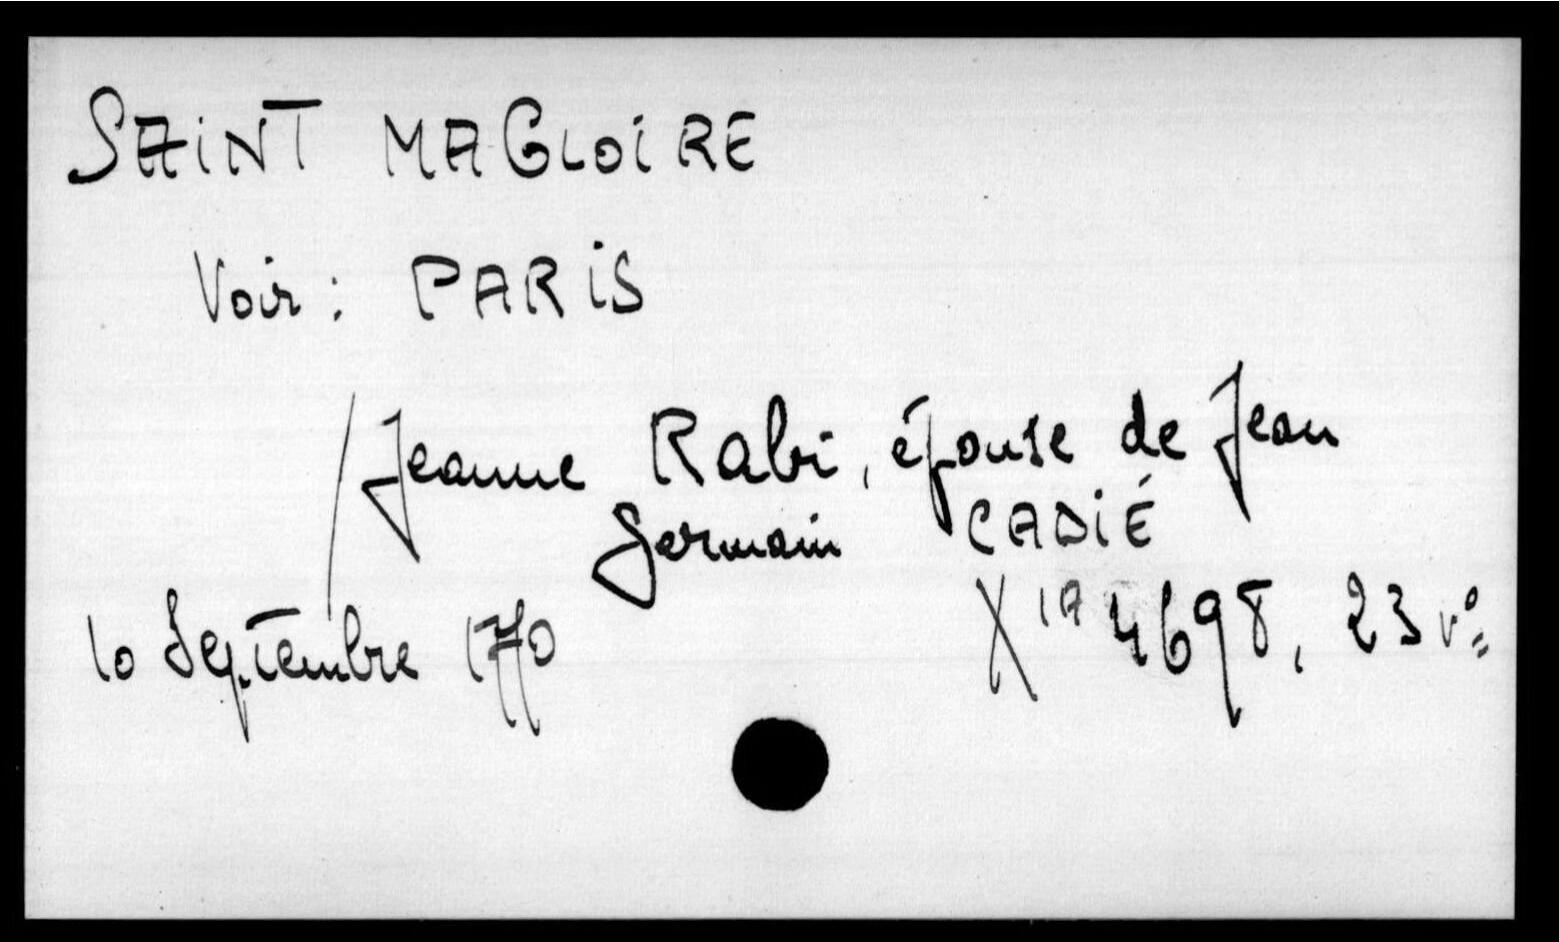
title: SAINT MAGLOIRE Voir : PARIS
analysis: Contre Jeanne Rabi, épouse de Jean Germain CADIÉ
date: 10 septembre 1770
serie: X1A
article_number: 4698
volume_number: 23v
